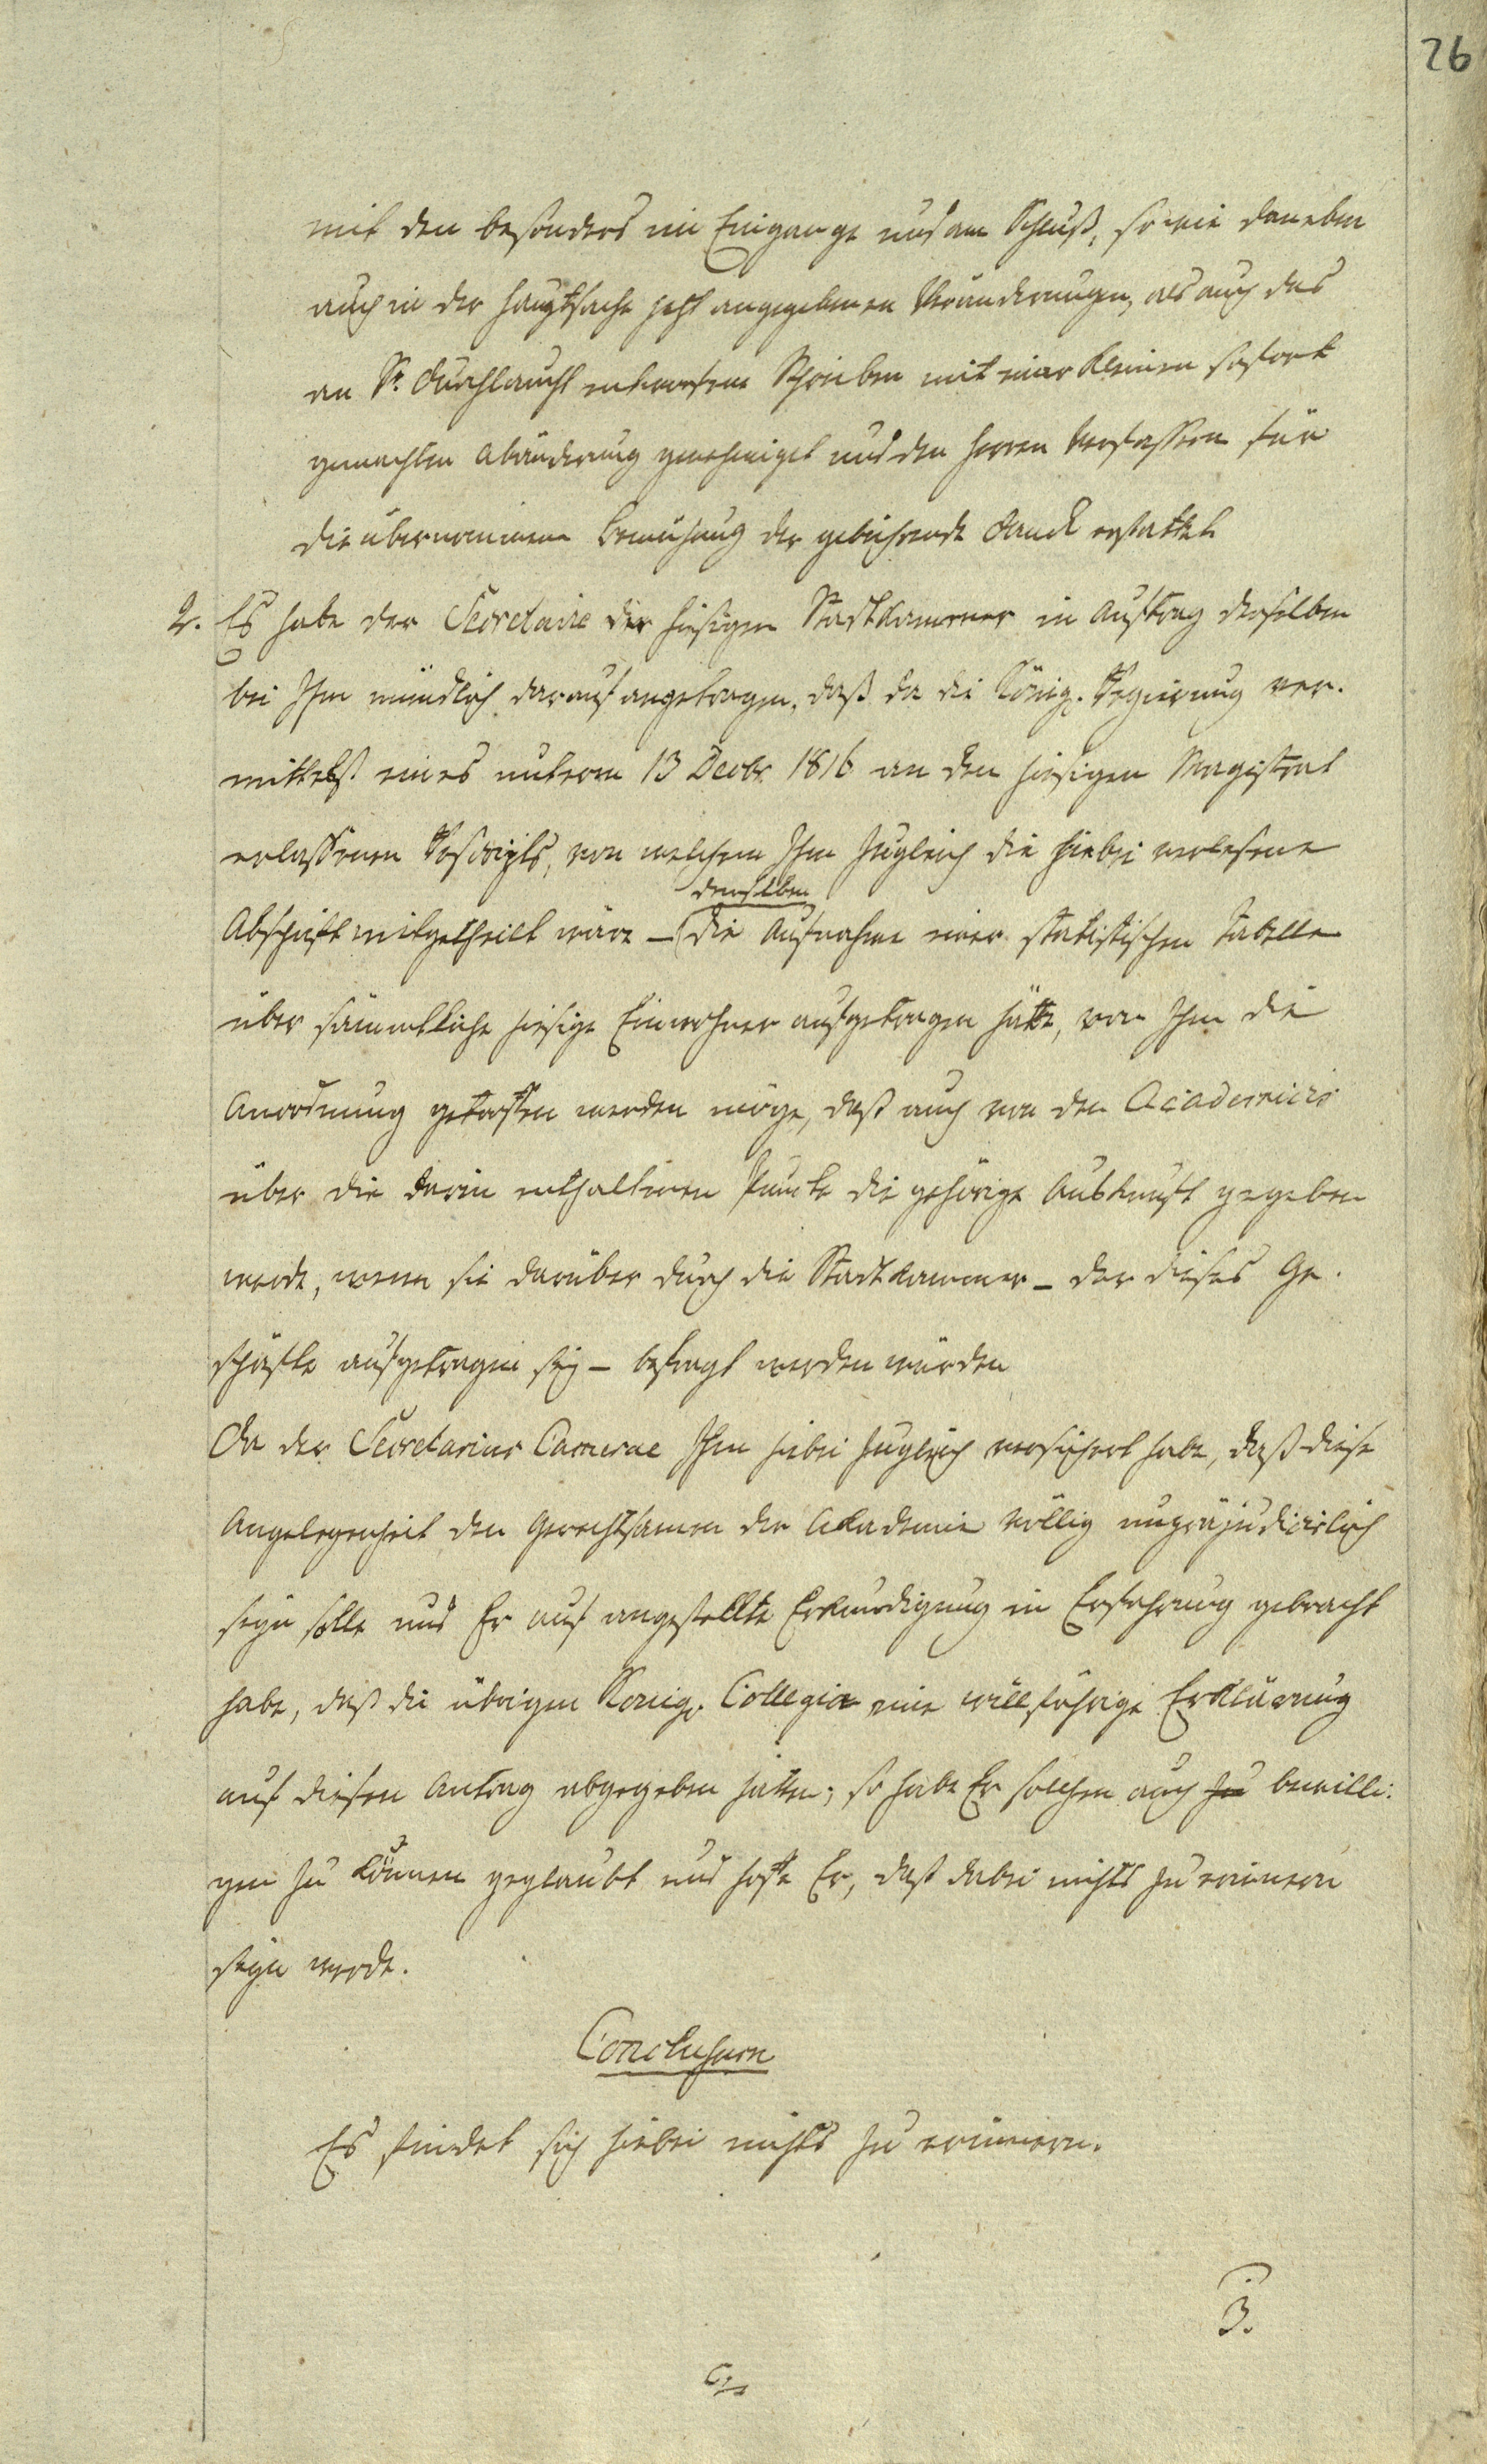mit den besonders im Eingange und am Schluß, so wie daneben
auch in der Hauptsache jetzt angegebenen Veränderungen, als auch das
an Sr. Durchlaucht entworfene Schreiben mit einer kleinen sofort
gemachten Abänderung genehmiget und den Herren Verfassern für
die übernommene Bemühung der gebührende Dank erstattet.
2. Es habe der Secretaire der hiesigen Stadtkammer in Auftrag derselben
bei Ihm mündlich darauf angetragen, daß da die Königl. Regierung ver¬
mittelst eines unterm 13 Decbr. 1816 an den hiesigen Magistrat
erlassenen Rescripts, von welchem Ihm zugleich die hiebei verlesene
demselben
Abschrift mitgetheilt wäre - die Aufnahme einer statistischen Tabelle
über sämmtliche hiesige Einwohner aufgetragen hätte, von Ihm die
Anordnung getroffen werden möge, daß auch von den Academicis
über die darin enthaltenen Puncte die gehörige Auskunft gegeben
werde, wenn sie darüber durch die Stadtkammer der - dieses Ge¬
schäfte aufgetragen seÿ - befragt werden würden.
Da der Secretarius Camerae Ihm hiebei zugleich versichert habe, daß diese
Angelegenheit den Gerechtsamen die Akademie völlig unpräjudicirlich
seÿn solle und Er auf angestellte Erkundigung in Erfahrung gebracht
habe, daß die übrigen Königl. Collegiae eine willfährige Erklärung
auf diesen Antrag abgegeben hätten, so habe Er solchen auch zu bewilli¬
gen zu können geglaubt und hoffe Er, daß dabei nichts zu erinnern
seÿn werde.
Conclusum
Es findet sich hiebei nichts zu erinnern.
3.